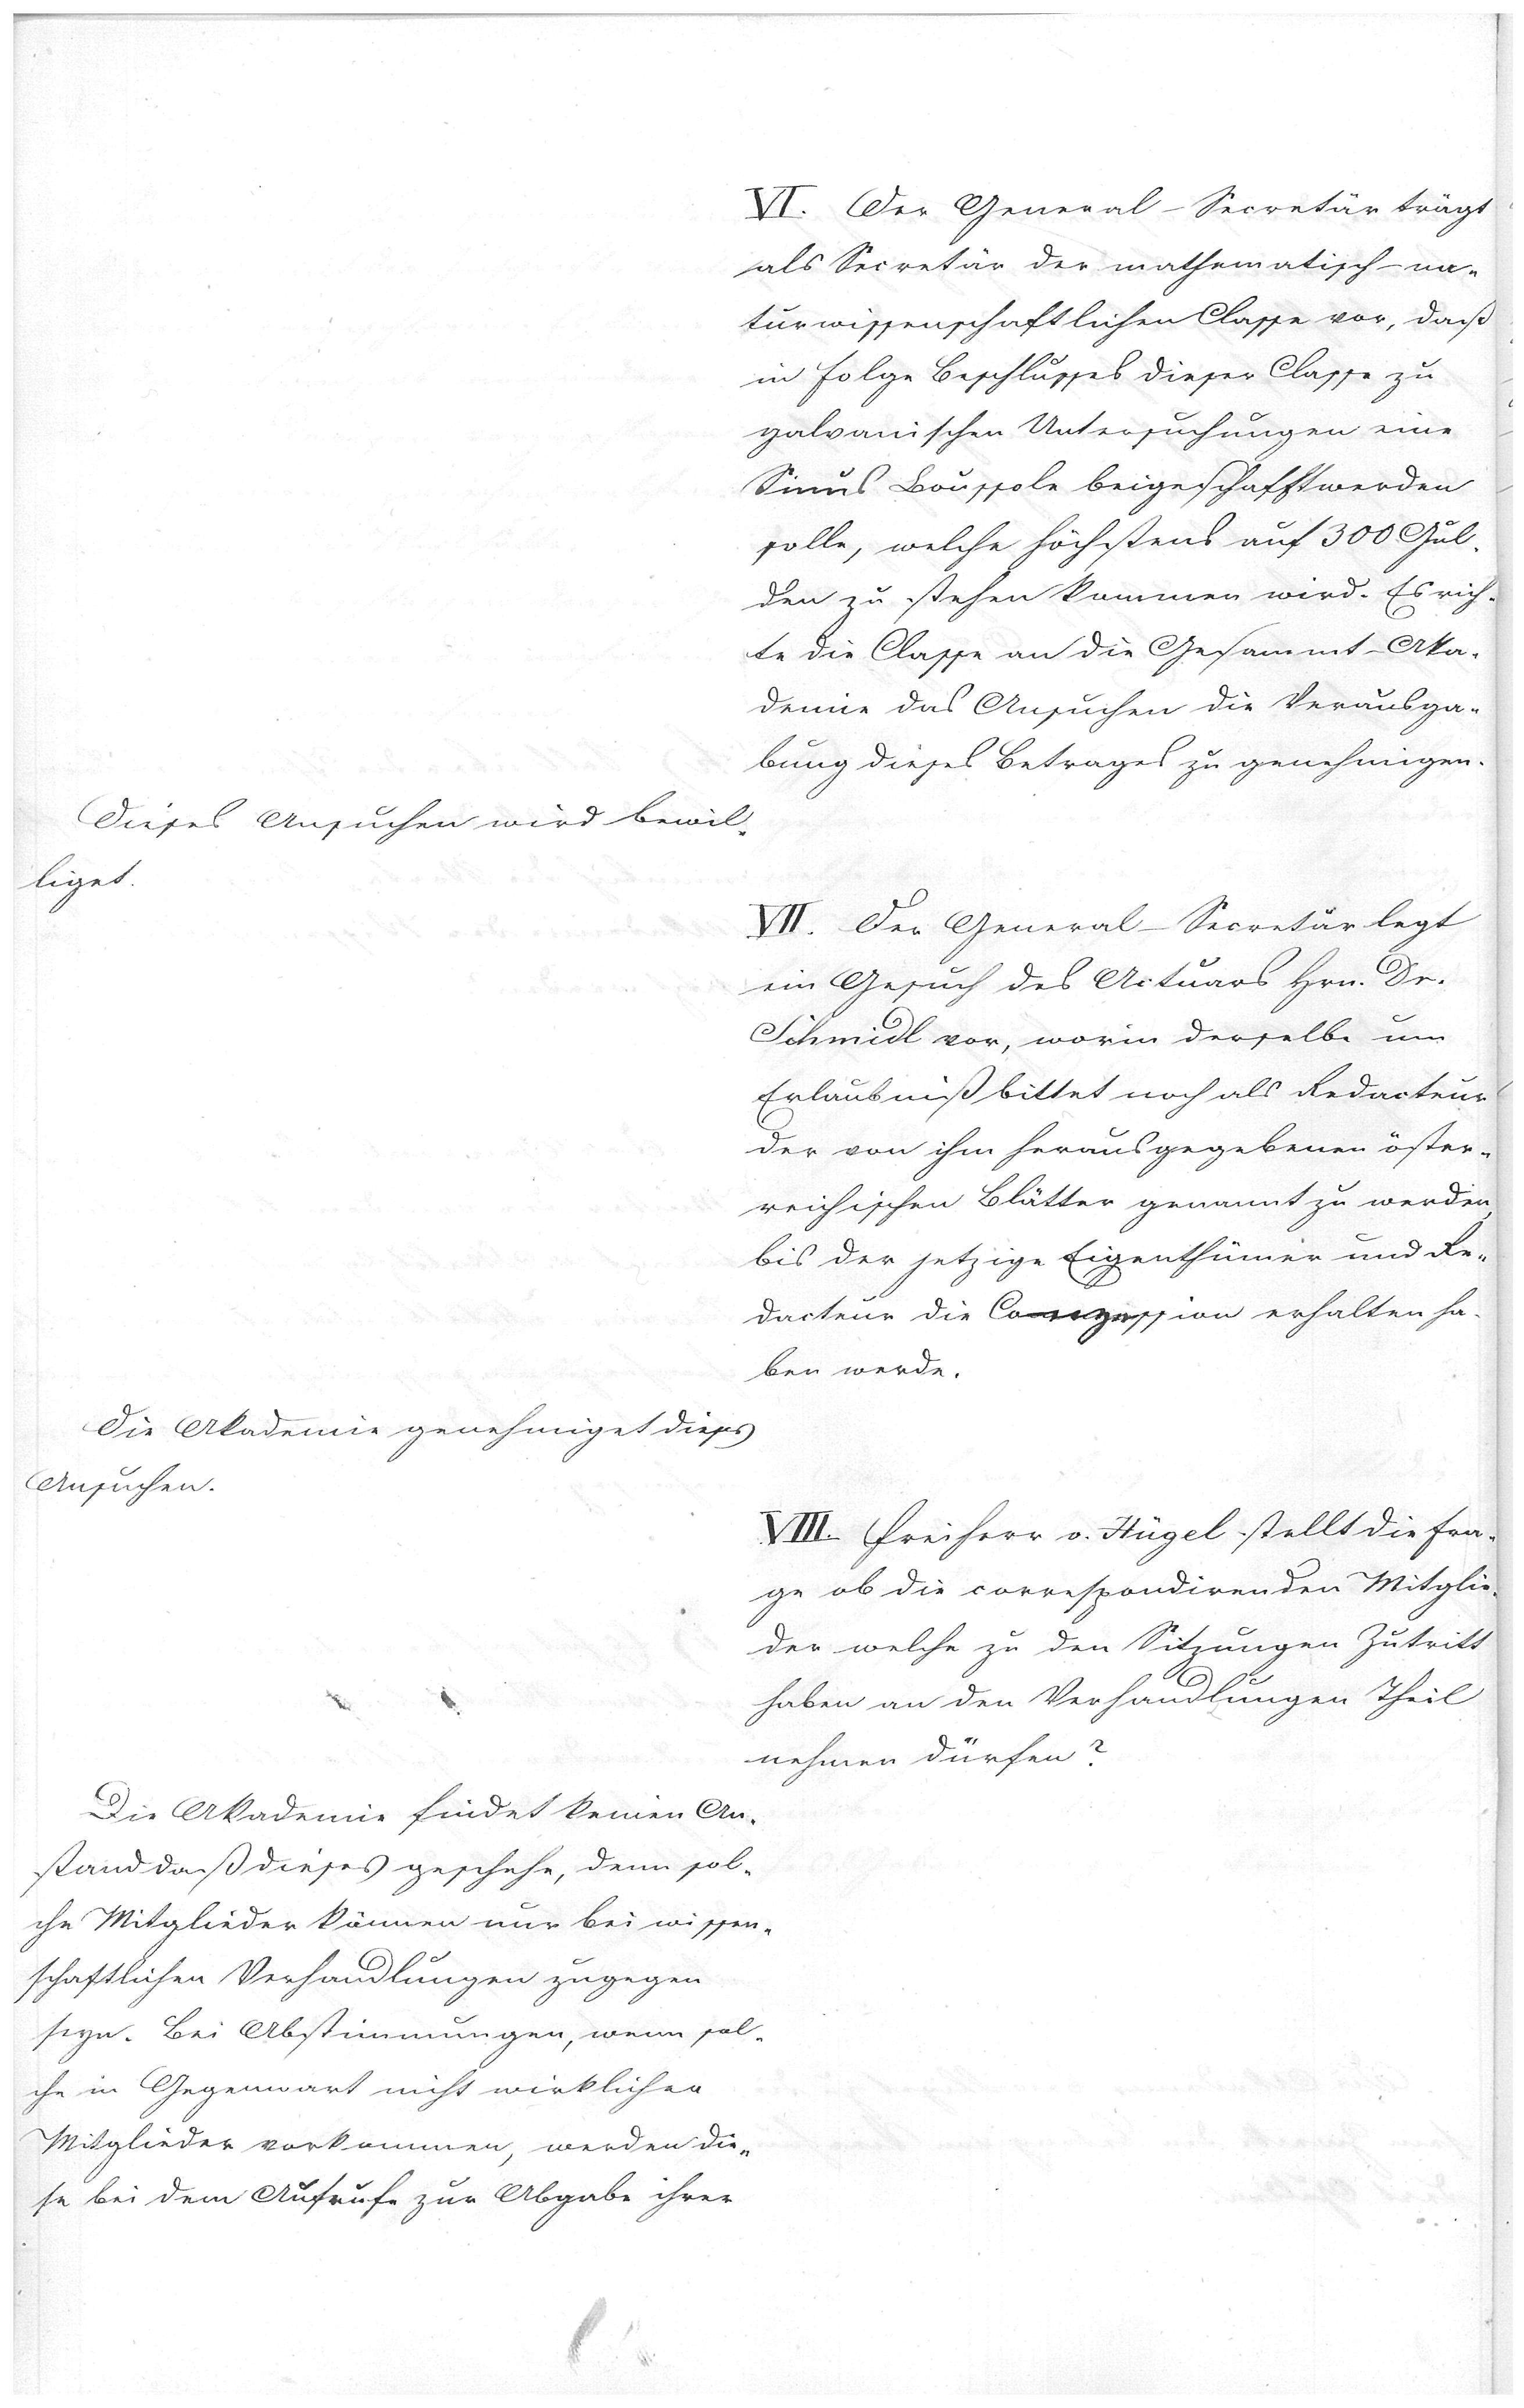VI. Der General-Secretär trägt
als Secretär der mathematischen-na-
turwissenschaftlichen Classe vor, daß
in Folge Beschlusses dieser Classe zu
galvaischen Untersuchungen eine
Sinus Boussole beigeschafft werden
solle, welche höchstens auf 300 Gul-
den zu stehen kommen wird. Es rich-
te die Classe an die Gesammt-Aka-
demie das Ansuchen die Verausga-
bung dieses Betrages zu genehmigen.
Dieses Ansuchen wird bewil-
liget.
VII. Der General-Secretär legt
ein Gesuch des Actuars Hrn. Dr.
Schmidl vor, worin derselbe um
Erlaubniß bittet noch als Redacteur
der von ihm herausgegebenen öster-
reichischen Blätter genannt zu werden,
bis der jetzige Eigenthümer und Re-
dacteur die Conzession erhalten ha-
ben werde.
Die Akademie genehmiget dieses
Ansuchen.
VIII. Freiherr v. Hügel stellt die Fra-
ge ob die correspondirenden Mitglie-
der welche zu den Sitzungen Zutritt
haben an den Verhandlungen Theil
nehmen dürfen?
Die Akademie findet keinen An-
stand daß dieses geschehe, denn sol-
che Mitglieder können nur bei wissen-
schaftlichen Verhandlungen zugegen
seyn. Bei Abstimmungen, wenn sol-
che in Gegenwart nicht wirklicher
Mitglieder vorkommen, werden die-
se bei dem Aufrufe zur Angabe ihrer